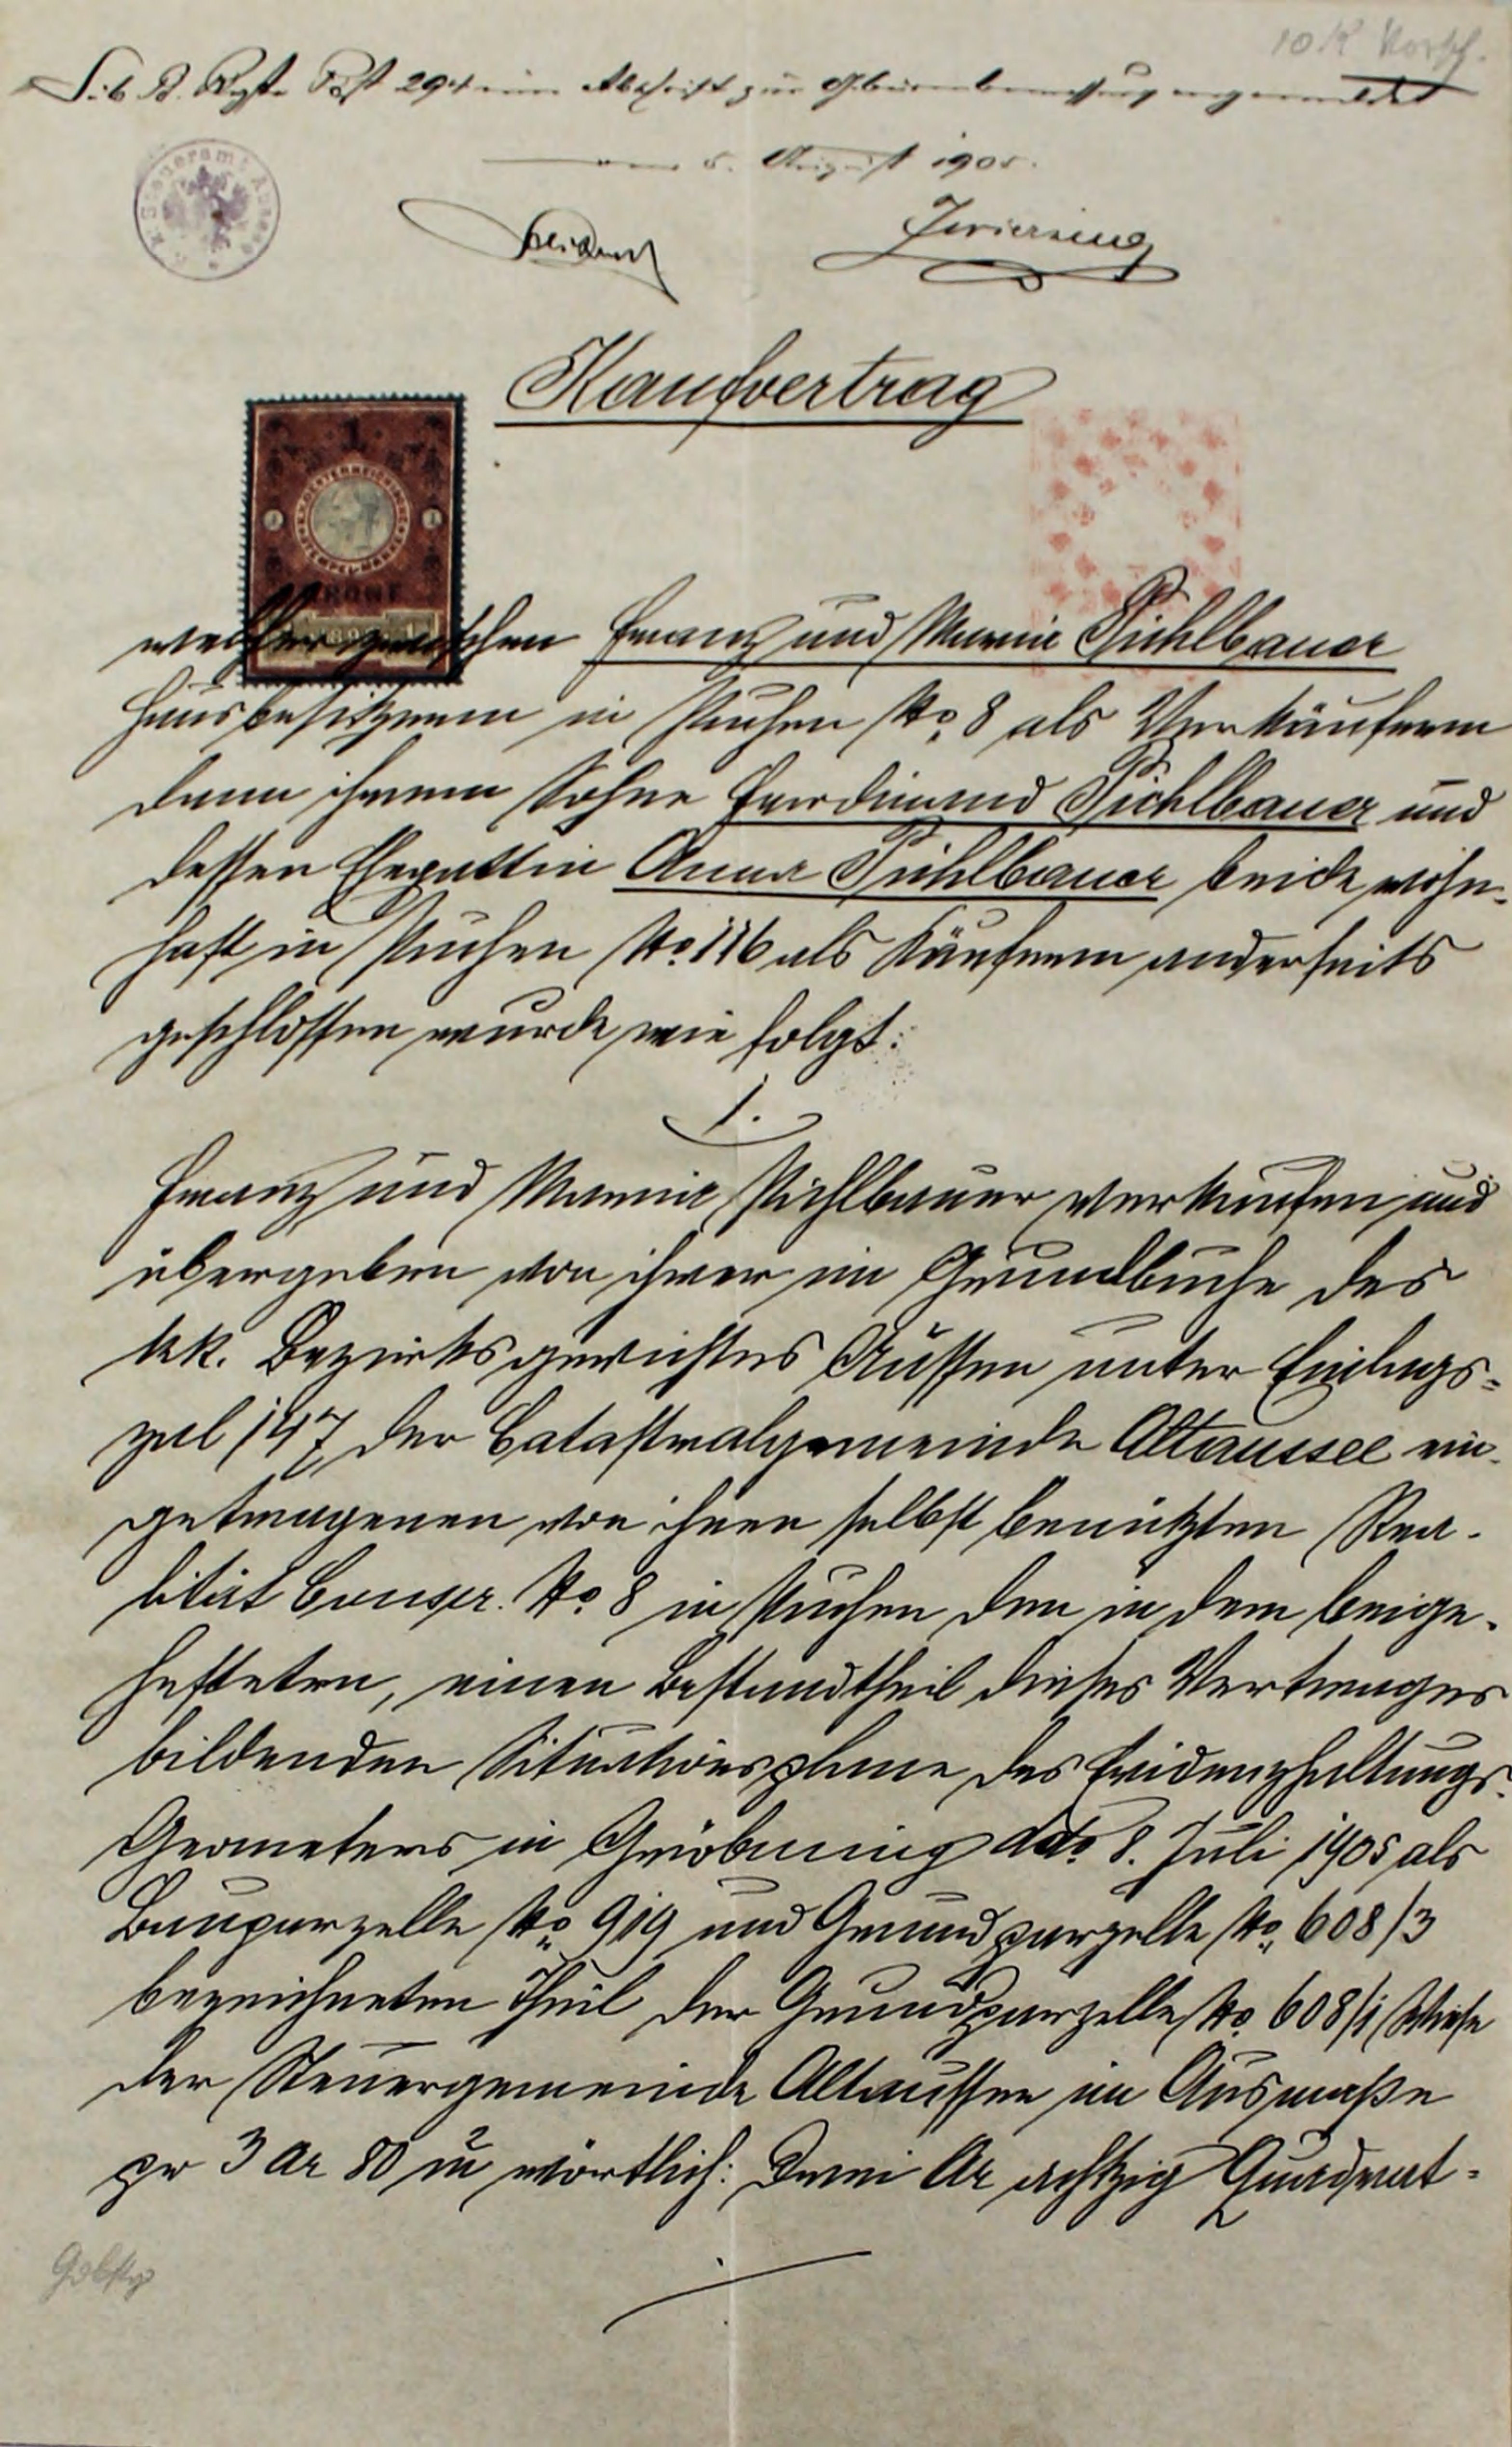10 K Rosch.
Dis B. Rgte Post 294 nun Abschrift zur Gebürenb???ssung angemerkt
am 5. August 1905.
Zerierning
Schrang
Kaufvertrag
melcherz???schen Franz und Maria Pichlbauer
haus besitzenem in Puchen No 8 als Verkäuferm
dann ihrem Sohne Ferdinand Pichlbauer und
dessen Ehegattin Anna Pichlbauer beide wohn=
haft in Muhen No 116 als Käufnem anderseits
geschlossen vurck wie folgt.
1.
Franz und Maria Pichlbauer verkunfen und
übergaben von ihrer ein Grundbuche des
kk. Bezirksgerichtes Aussee unter Einlags=
zal 147 der Catastralgemeinde Altaussee ein=
getragenen von ihnen selbst benützten Rea
lität Canser. No 8 in Puchen den in dem beige
hefteten, einen Bestandtheil dieses Vertrages
bildenden Situnhönsghme das Evidenzhaltungs.
Geometers in Gröbming ddo 8. Juli 1905 als
Bauparzelle No 919 und Grundparzelle No 608/3
bezeichneten Theil der Grundparzelle No 608/1 Wiese
der Steuergemeinde Altaussee im Ausmaße
pr 3 Ar 80 m2 wörtlich: drei Ar Achtzig Quadrat=
Gobstg